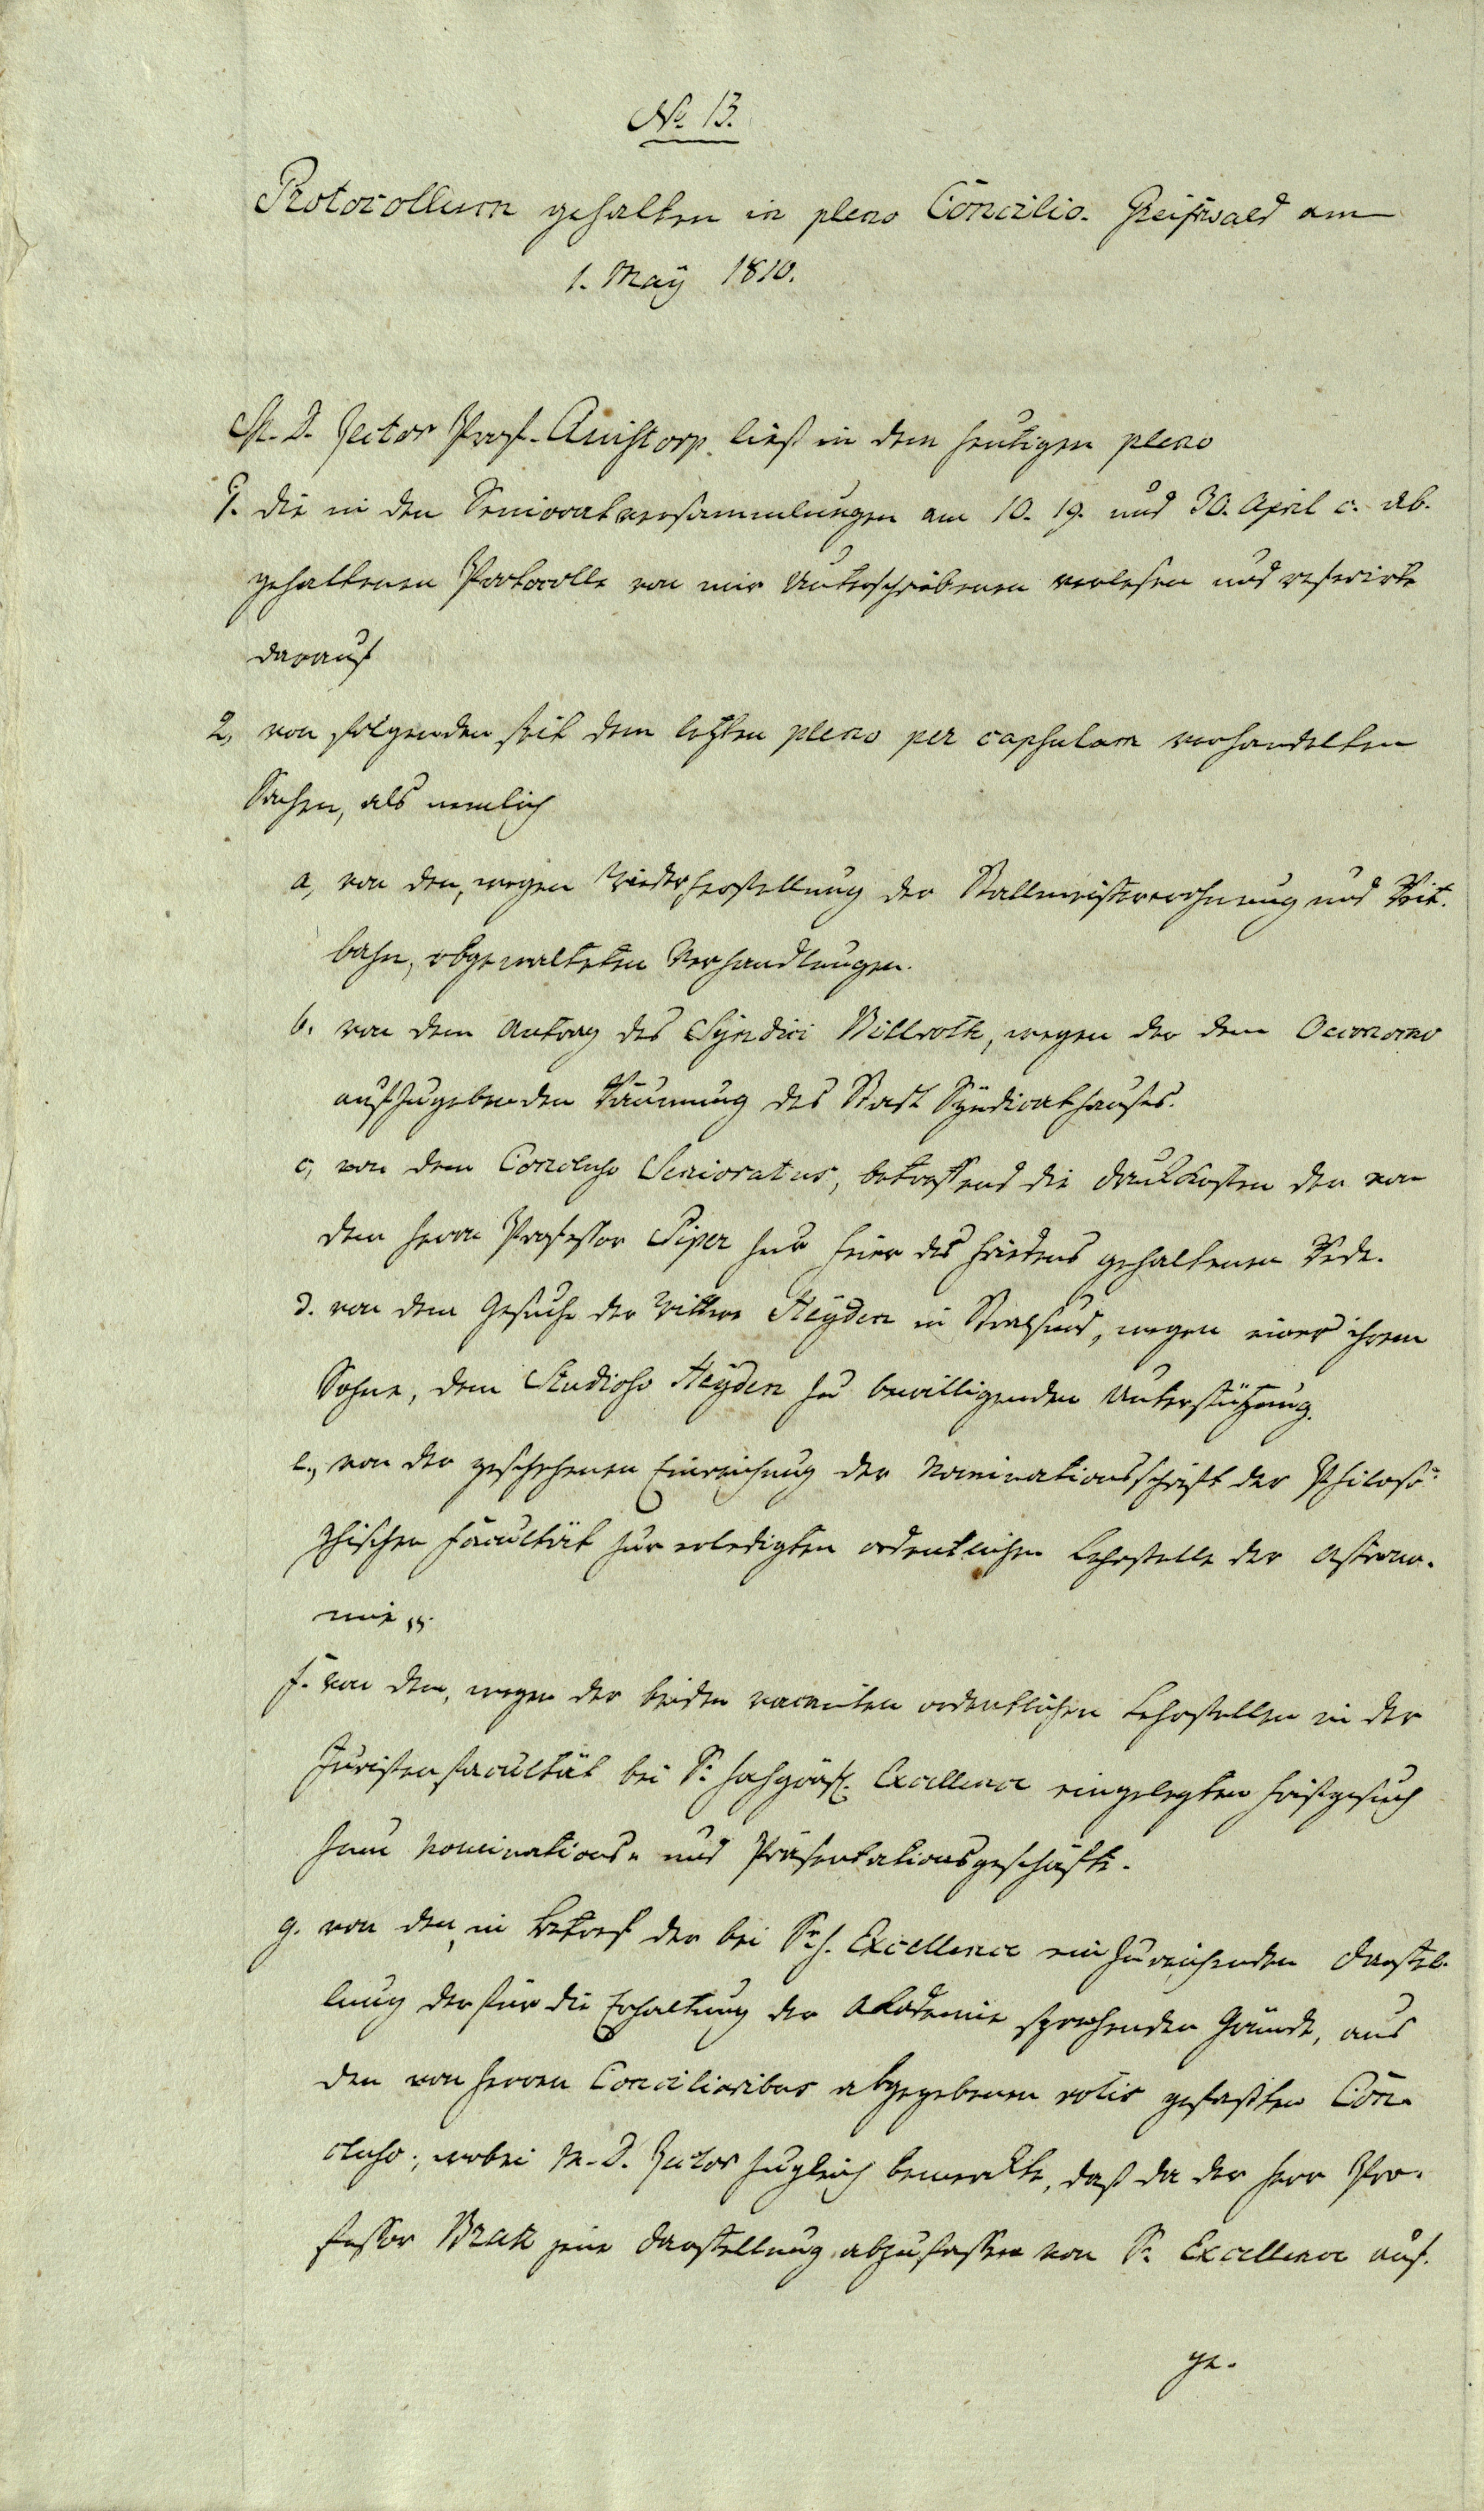No 13.
Protocollum gehalten in pleno Concilio. Greifswald am
1. Maÿ 1810.
M. D. Rector Prof. Quistorp. ließ in dem heutigen pleno
1. die in den Senioratsversammlungen am 10. 19. und 30. April c. ab¬
gehaltenen Protocolle von mir Unterschriebenen verlesen und referirte
darauf
2, von folgenden seit dem letzten pleno per capsulam verhandelten
Sachen, als nemlich
a, von den, wegen Wiederherstellung der Stallmeisterwohnung und Reit¬
bahn, obgewalteten Verhandlungen.
b. von dem Antrag des Sÿndici Billroth, wegen der dem Oeconomo
aufzugeben den Räumung des Stadt Sÿndicathauses.
c, von dem Concluso Senioratus, betreffend die Druckkosten der von
dem Herrn Professor Piper zur Feier des Friedens gehaltenen Rede.
d. von dem Gesuche der Wittwe Heÿden in Stralsund, wegen einer ihrem
Sohne, dem Studioso Heÿden zu bewilligenden Unterstützung.
e, von der geschehenen Einreichung der Nominationsschrift der Philoso¬
phischen Facultät zur erledigten ordentlichen Lehrstelle der Astrono¬
mie.
f. von dem, wegen der beiden vacanten ordentlichen Lehrstellen in der
Juristenfacultät bei Sr Hochgräfl. Excellence eingelegten Fristgesuch
zum Nominations- und Präsentationsgeschäfte.
g. von den, in Betref der bei Sr. h. Excellence einzureichenden Darstel¬
lung der für die Erhaltung der Akademie sprechenden Gründe, aus
den von Herren Conciliaribus abgegebenen votis gefaßten Con¬
cluso; wobei M. D. Rector zugleich bemerkte, daß da der Herr Prof¬
fessor Bratt seine Darstellung abzufassen von Sr Excellence auf¬
ge¬